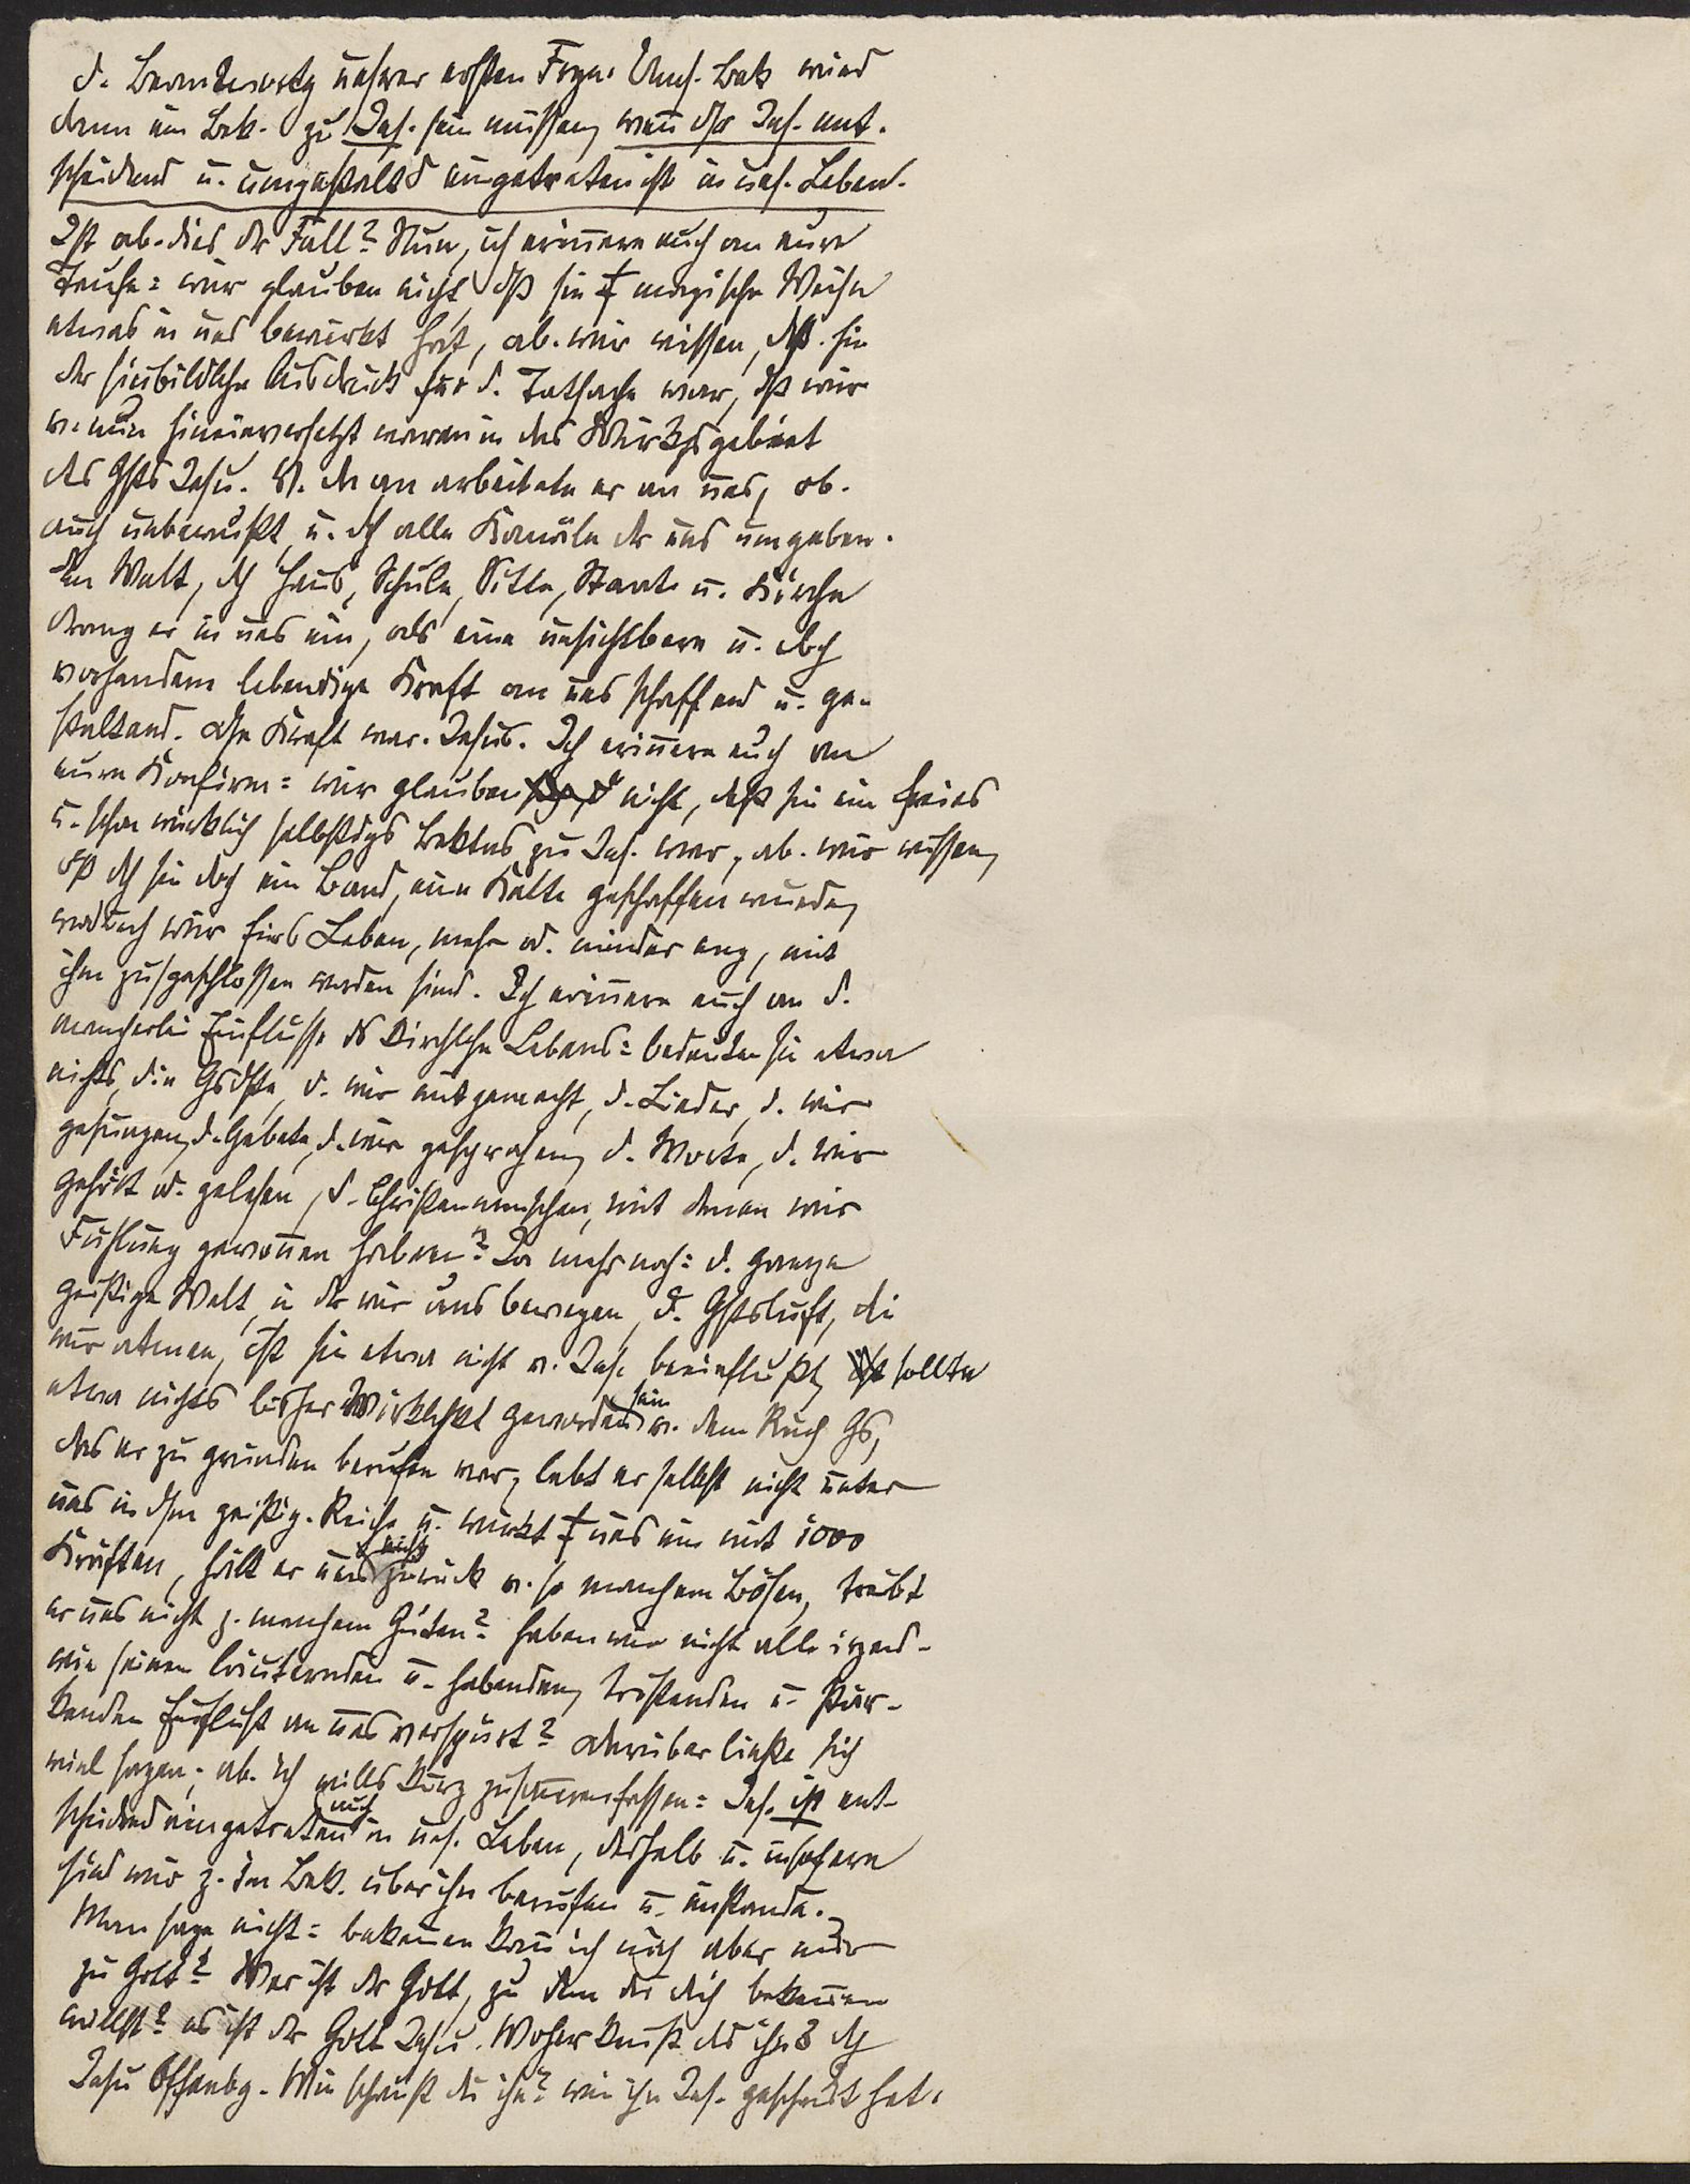d. Beantwortg. unsrer ersten Frage: Uns. Bek. wird
dann ein Bek. zu Jes. sein müssen, wenn dsr Jes. ent¬
scheidend un umgestaltd. eingetreten ist in uns. Leben.
Ist ab. dies dr. Fall? Nun, ich erinere euch an eure
Taufe: wir glauben nicht, daß sie f magische Weise
etwas in uns bewirkt hat, ab wir wissen, daß sie
der sinbildliche Ausdruck für d. Tatsache war, daß wir
v. nun hineinversetzt waren in das Wirkgsgebiet
des Gsts Jesu. V. da an arbeitet er an uns, ob
auch unbewußt, u. dch alle Kanäle dr uns umgeben¬
den Welt, dch Haus, Schule, Sitte, Staate u. Kirche
dran er in uns ein, als eine unsichtbare u. ebh.
vorhandene lebendige Kraft an uns schaffend u. ge¬
staltend. Dse Kraft war. Jesus. Ich erinere euch an
eure Konfirm: wir glauben sich, u. nicht, daß sie ein
freies
u. schon wirklich selbstdgs Bektns zu Jes. war, ab. wir wissen,
dß dch sie doch ein Band, eine Kette geschaffen wurde,
wodruch wir fürs Leben, mehr od. minder eng, mit
uhm zusgeschlossen worden sind. Ich erinere euch an d.
mancherlei Einflüsse ds. kirchlchn Lebens: bedeuten sie etwa
nichts, die Gsdste, d. wir mitgemacht, d. Lieder, d. wir
gesungen, d. Gebete, d. wir gesprochen, d. Worte, d. wir
gehört od. gelesen, d. Christenmenschen, mit denen wir
Fühlung gewonen haben? Ja mehr noch: d. ganze
geistige Welt, in dr wir uns bewegen, d. Gstsluft, die
wir atmen, ist sie etwa nicht v. Jes. beeinflußt, ist sollte
sein
etwa nichts bisher Wirklichkt geworden v. Reich Gs,
das er zu gründen berufen war, lebt er selbst nicht unter
uns in dsm geistig. Reiche u. wirkt f uns ein mit 1000
nicht
Kräften, hält er uns zurück v. so manchem Bösen, treibt
er uns nicht z. manchem Guten? Haben wir nicht alle irgend¬
wie seinen läuternden u hebenden, tröstenden u. stär¬
kenden Einfluß um uns verspürt? Darüber ließe sich
viel sagen; ab. ich wills kurz zusamenfassen: Jes. ist ent¬
auch
scheidend eingetreten in uns. Leben, deshalb u. insofern
sind wir z. 1m Bek. über ihn berufen u. imstande.
Man sage nicht: bekenen kan ich mich aber nur
zu Gott? Wer ist dr Gott, zu dem du dich bekenen
willst? es ist der Gott Jesu. Woher kenst du ihn? Dch
Jesu Offenbg. Wie schaust du ihn? wie ihn Jes. schaut hat.